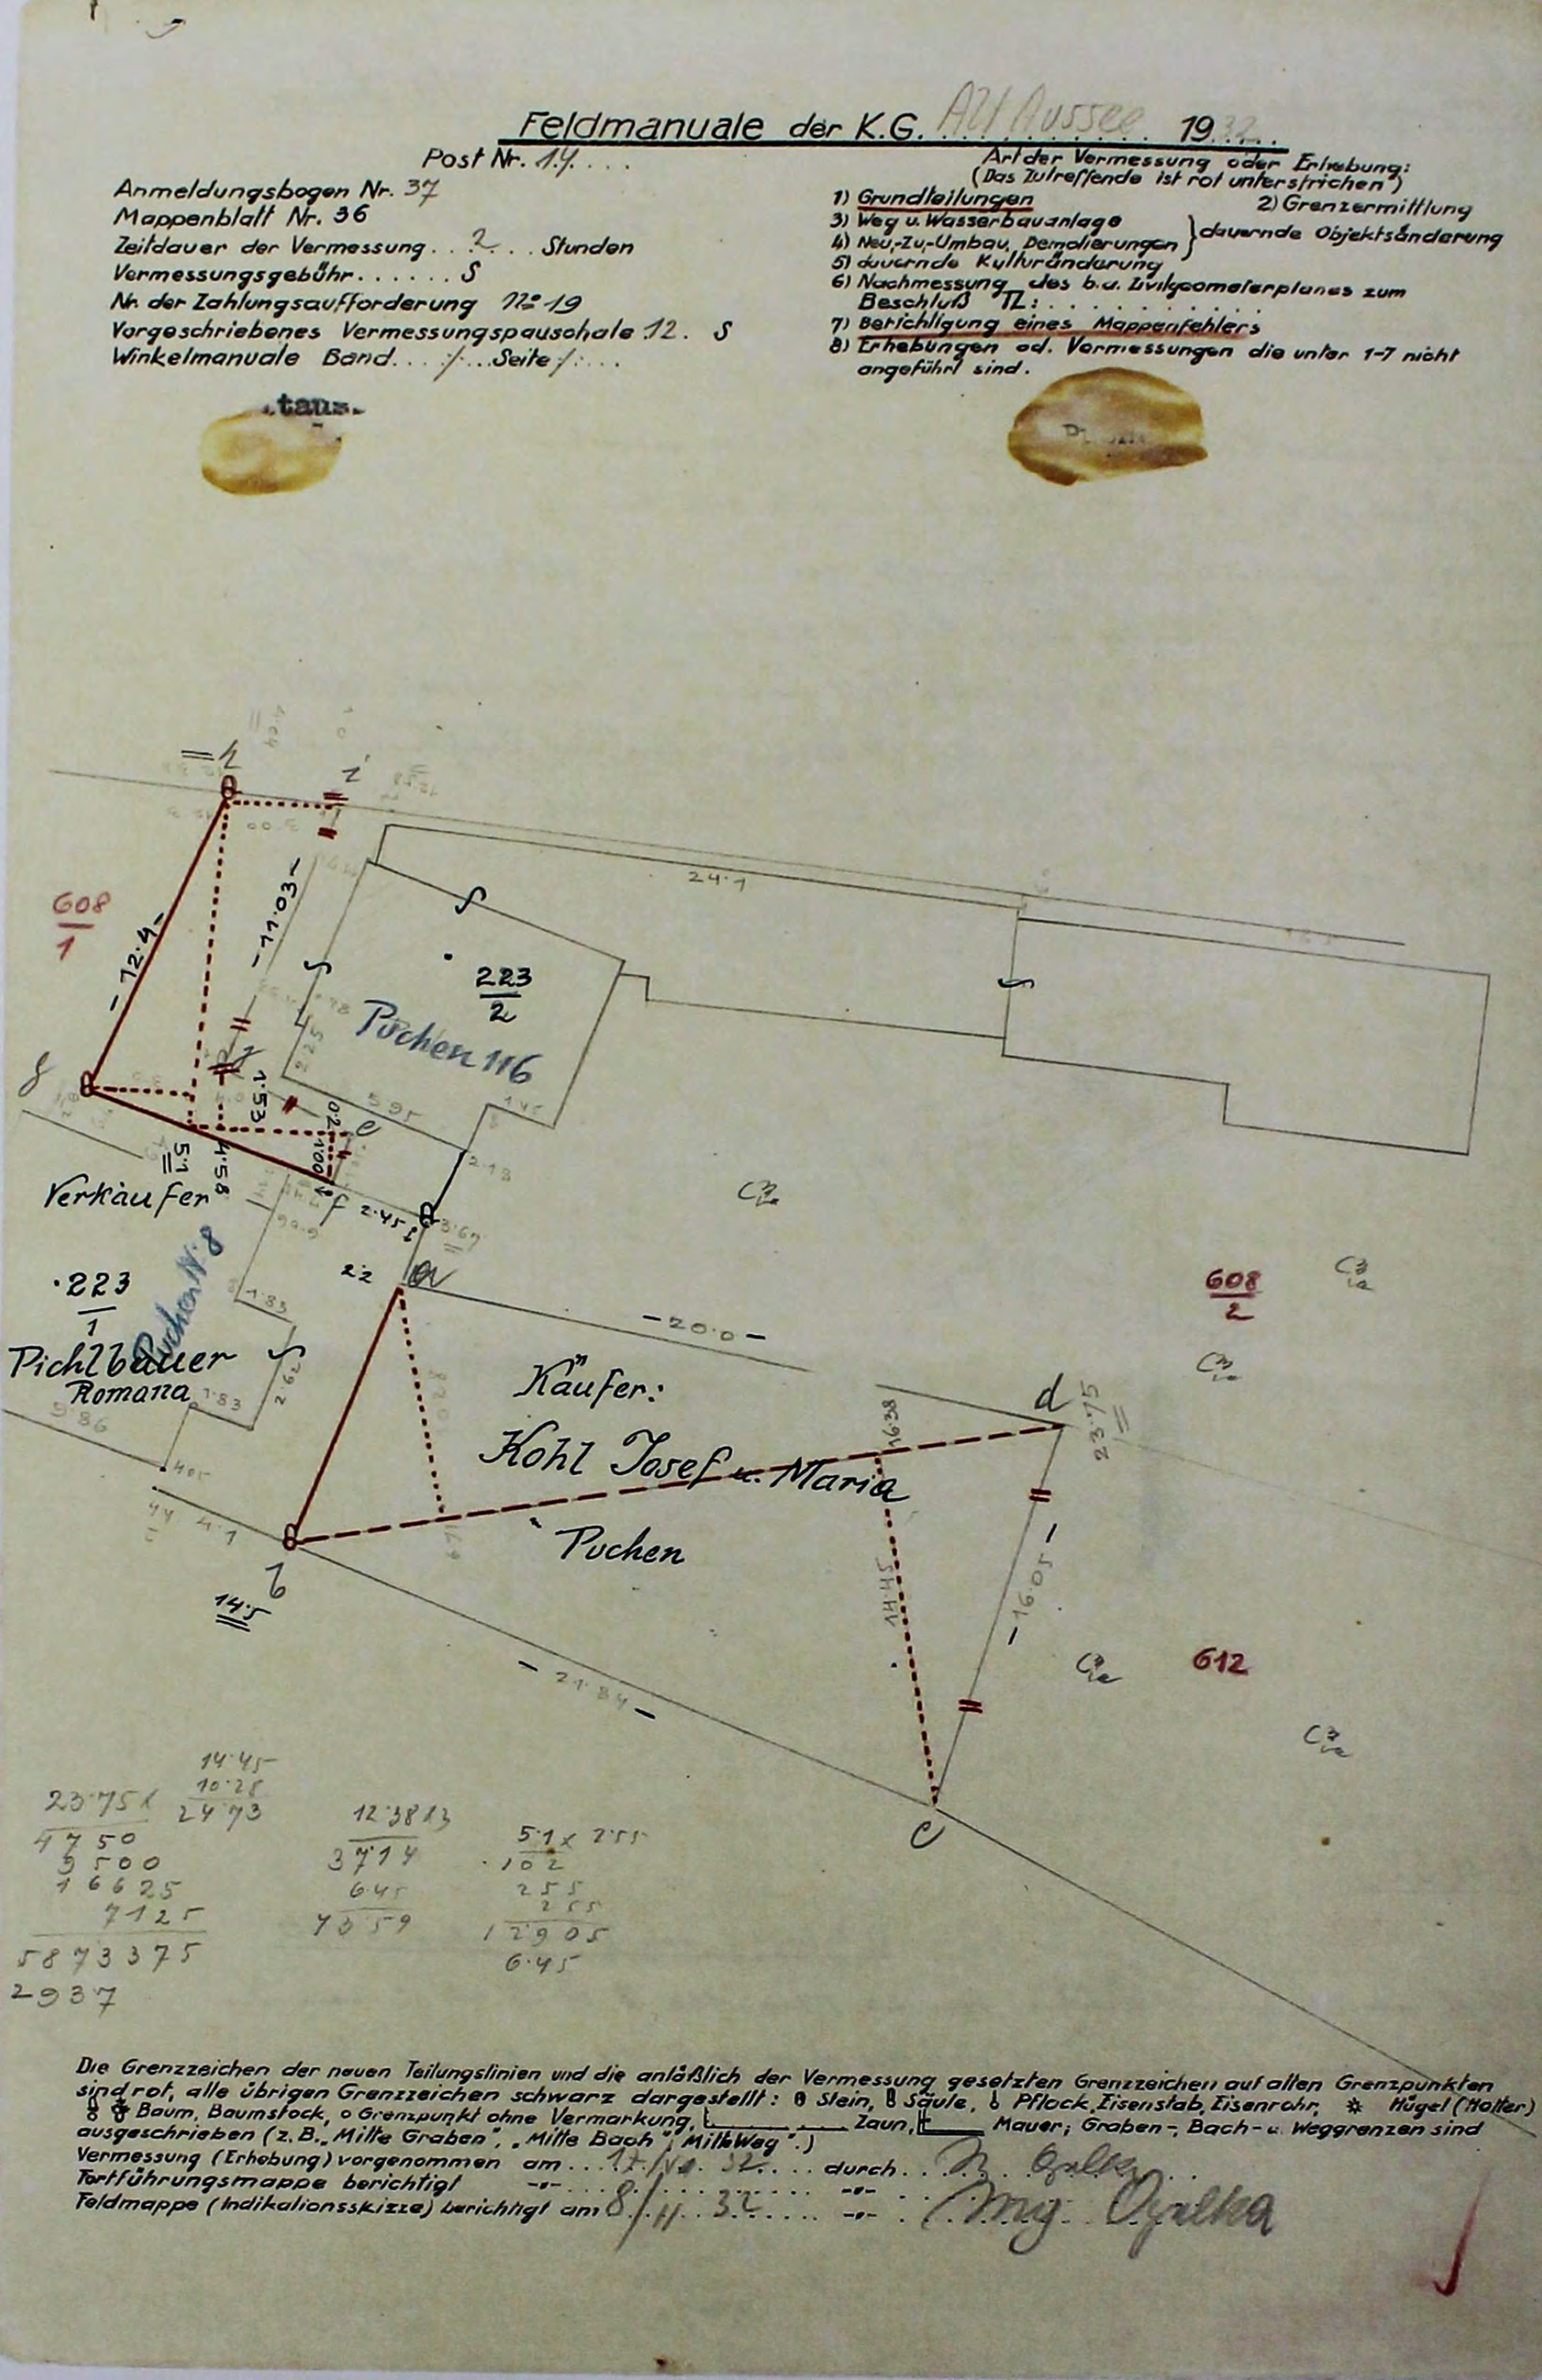Feldmanuale der K.G. Alt Aussee 1932
Art der Vermessung oder Erhebung:
Post Nr. 14
(Das Zutreffende ist rot unterstrichen)
Anmeldungsbogen Nr. 37
1) Grundteilungen
2) Grenzermittlung
Mappenblatt Nr. 36
3) Weg u. Wasserbauanlage
dauernde Objektsänderung
4) Neu,-Zu,- umbau, Demolierungen
Zeitdauer der Vermessung 2 Stunden
5) dauernde Kulturänderung
Vermessungsgebühr S
6) Nachmessung des b.a. Civilgeometerplanes zum
Beschluß TL: ..........
Nr. der Zahlungsaufforderung Nr 19
7) Berichtigung eines Mappenfehlers
Vorgeschriebenes Vermessungspauschale 12. S
8) Erhebungen od. Vermessungen die unter 1-7 nicht
Winkelmanuale Band /Seite/
angeführt sind.
taus-
Die Grenzzeichen der neuen Teilungslinien und die anläßlich der Vermessung gesetzten Grenzzeichen auf allen Grenzpunkten
sind rot, alle übrigen Grenzzeichen schwarz dargestellt: ? Stein, ? Säule, ? Pflack, Eisenstab, Eisenrohr, ? Hügel (Halter)
?? Baum, Baumstock, ? Grenzpunkt ohne Vermarkung, Zaun, Mauer; Graben-, Bach- u. Weggrenzen sind
ausgeschrieben (z.B. „Mitte Graben", „Mitte Bach", Mille Weg".)
Vermessung (Erhebung) vorgenommen am 17/V? 32 durch S Gel???
Tortführungsmappe berichtigt -„- -„-
Feldmappe (Indikationsskizze) berichtigt am 8/11 32 -„- my Ogelka